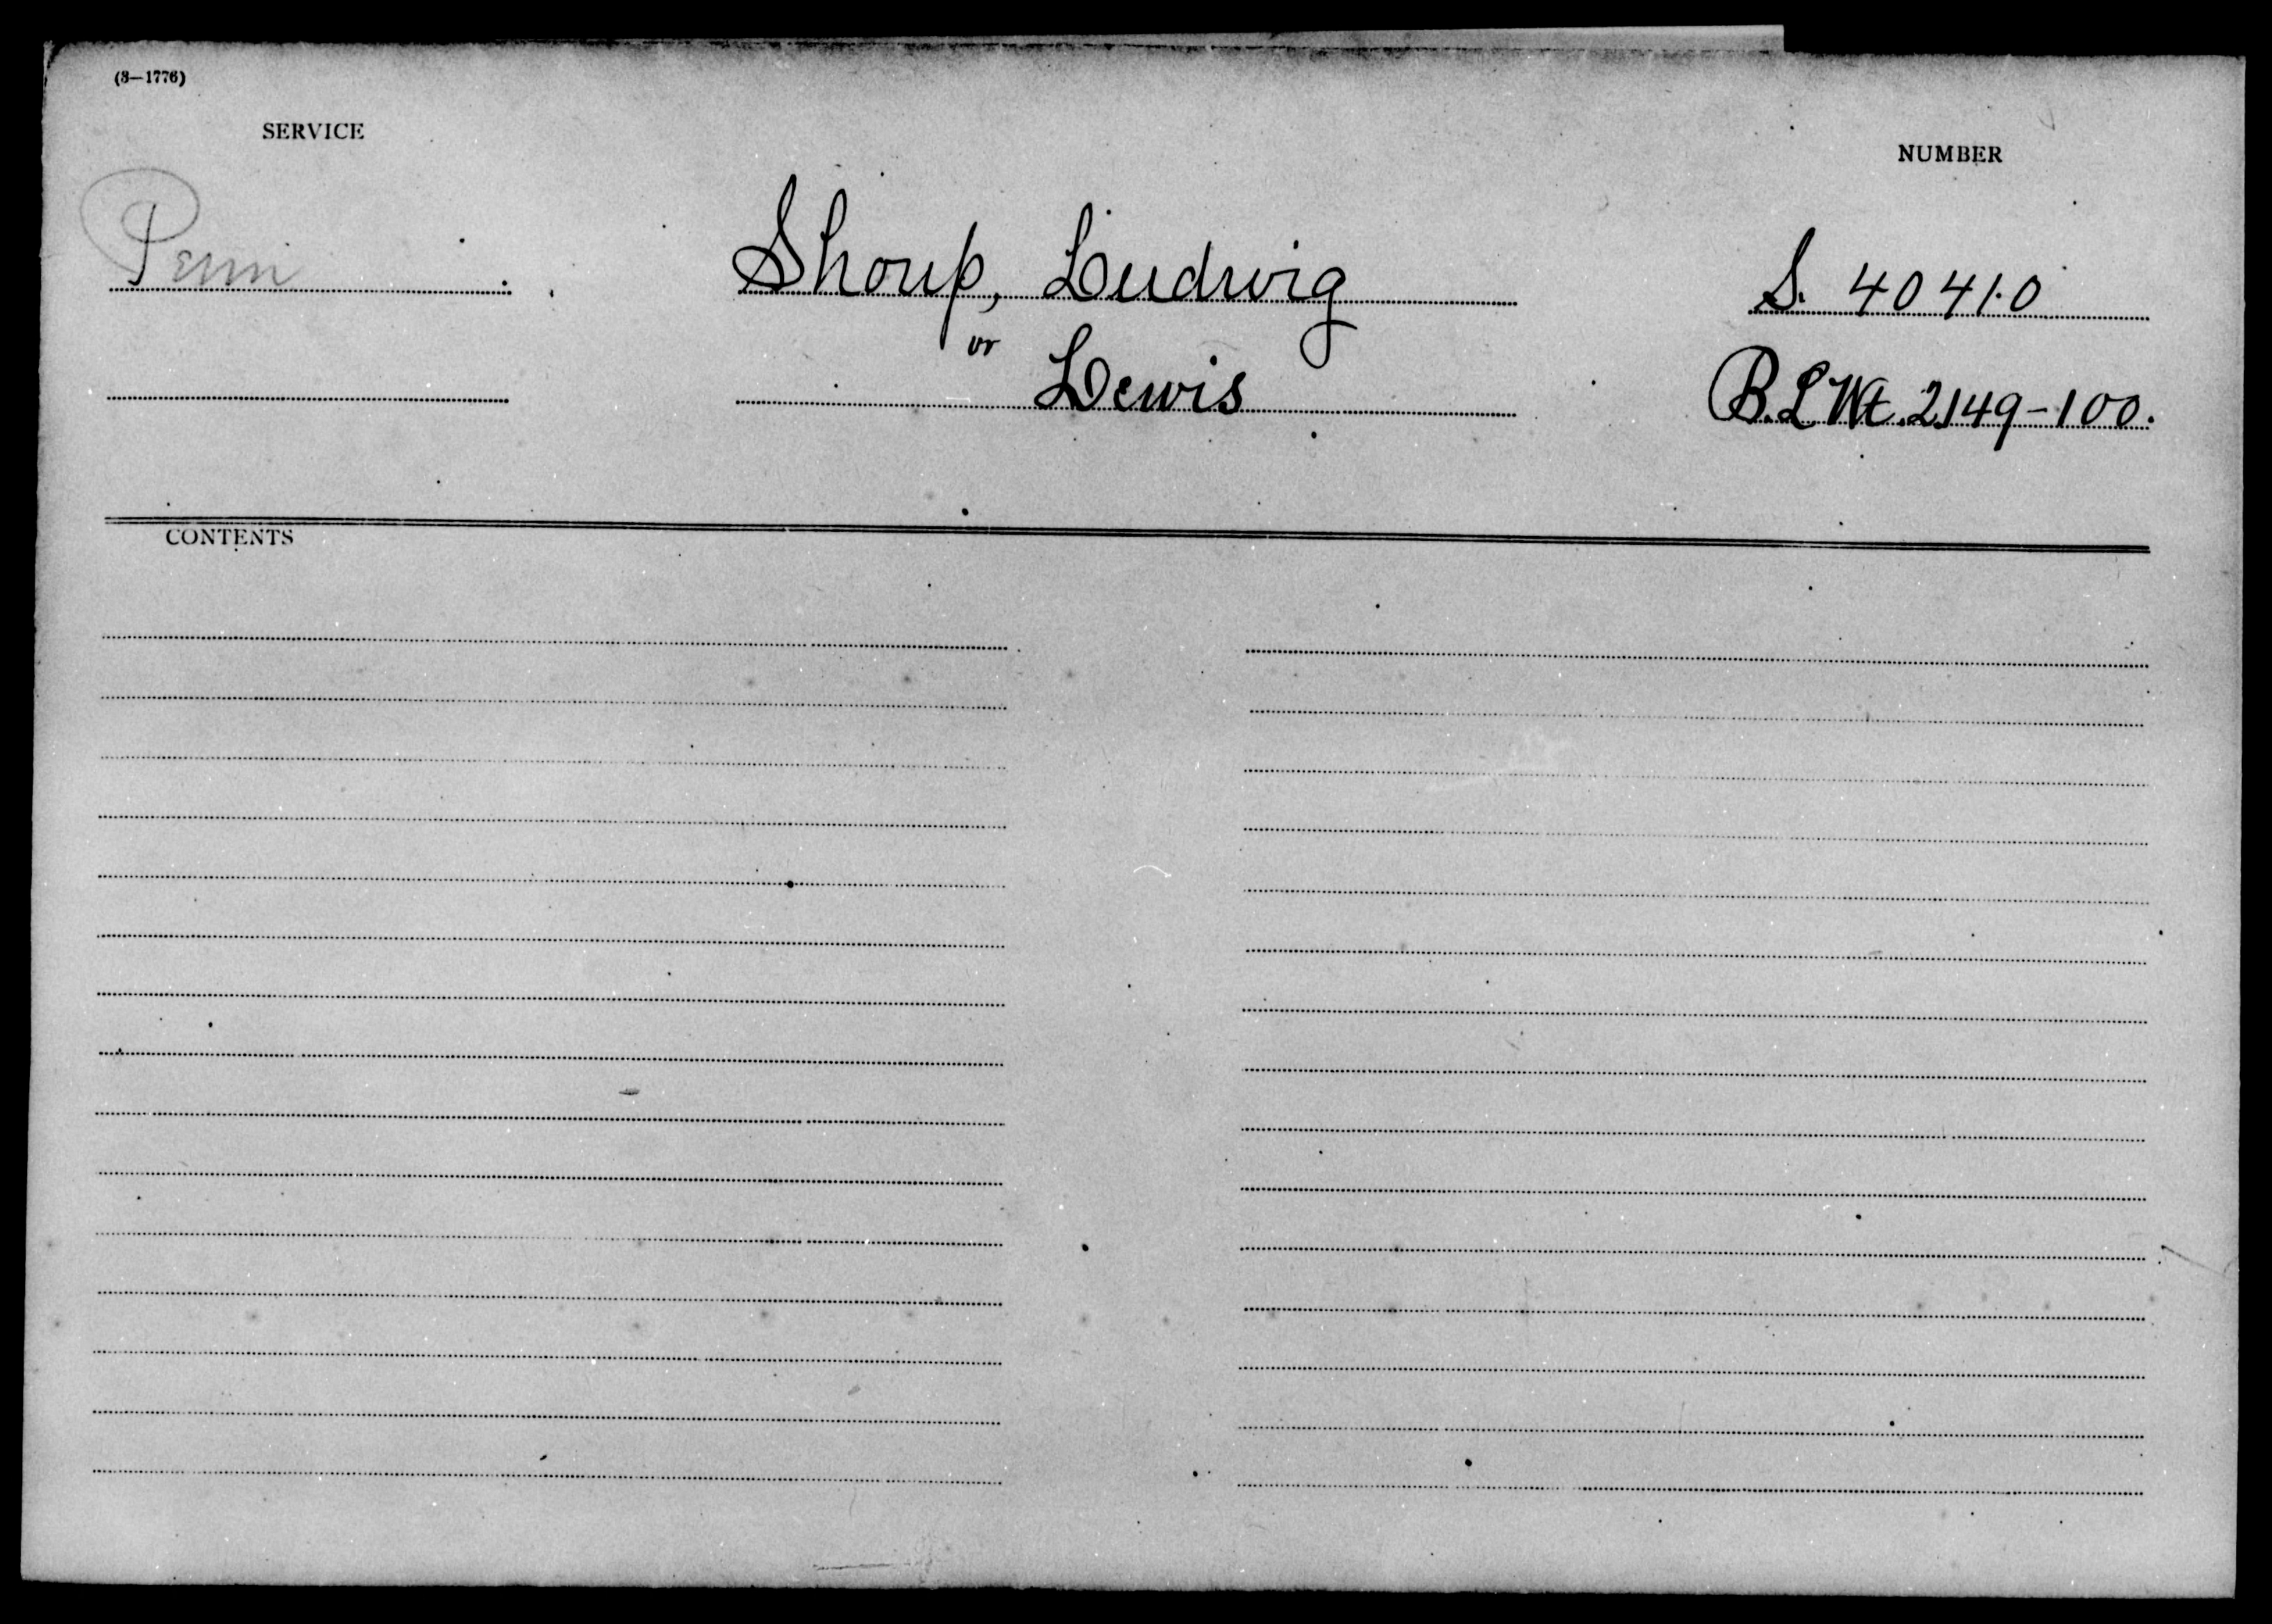(S-1776)

SERVICE NUMBER
Penn Shoup, Ludwig S. 40410
Lewis B L Wt 2149-100.

CONTENTS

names: Lewis Shoup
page: 1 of 19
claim: survivor's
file: S. 40410, for Ludwig Shoup, Pennsylvania